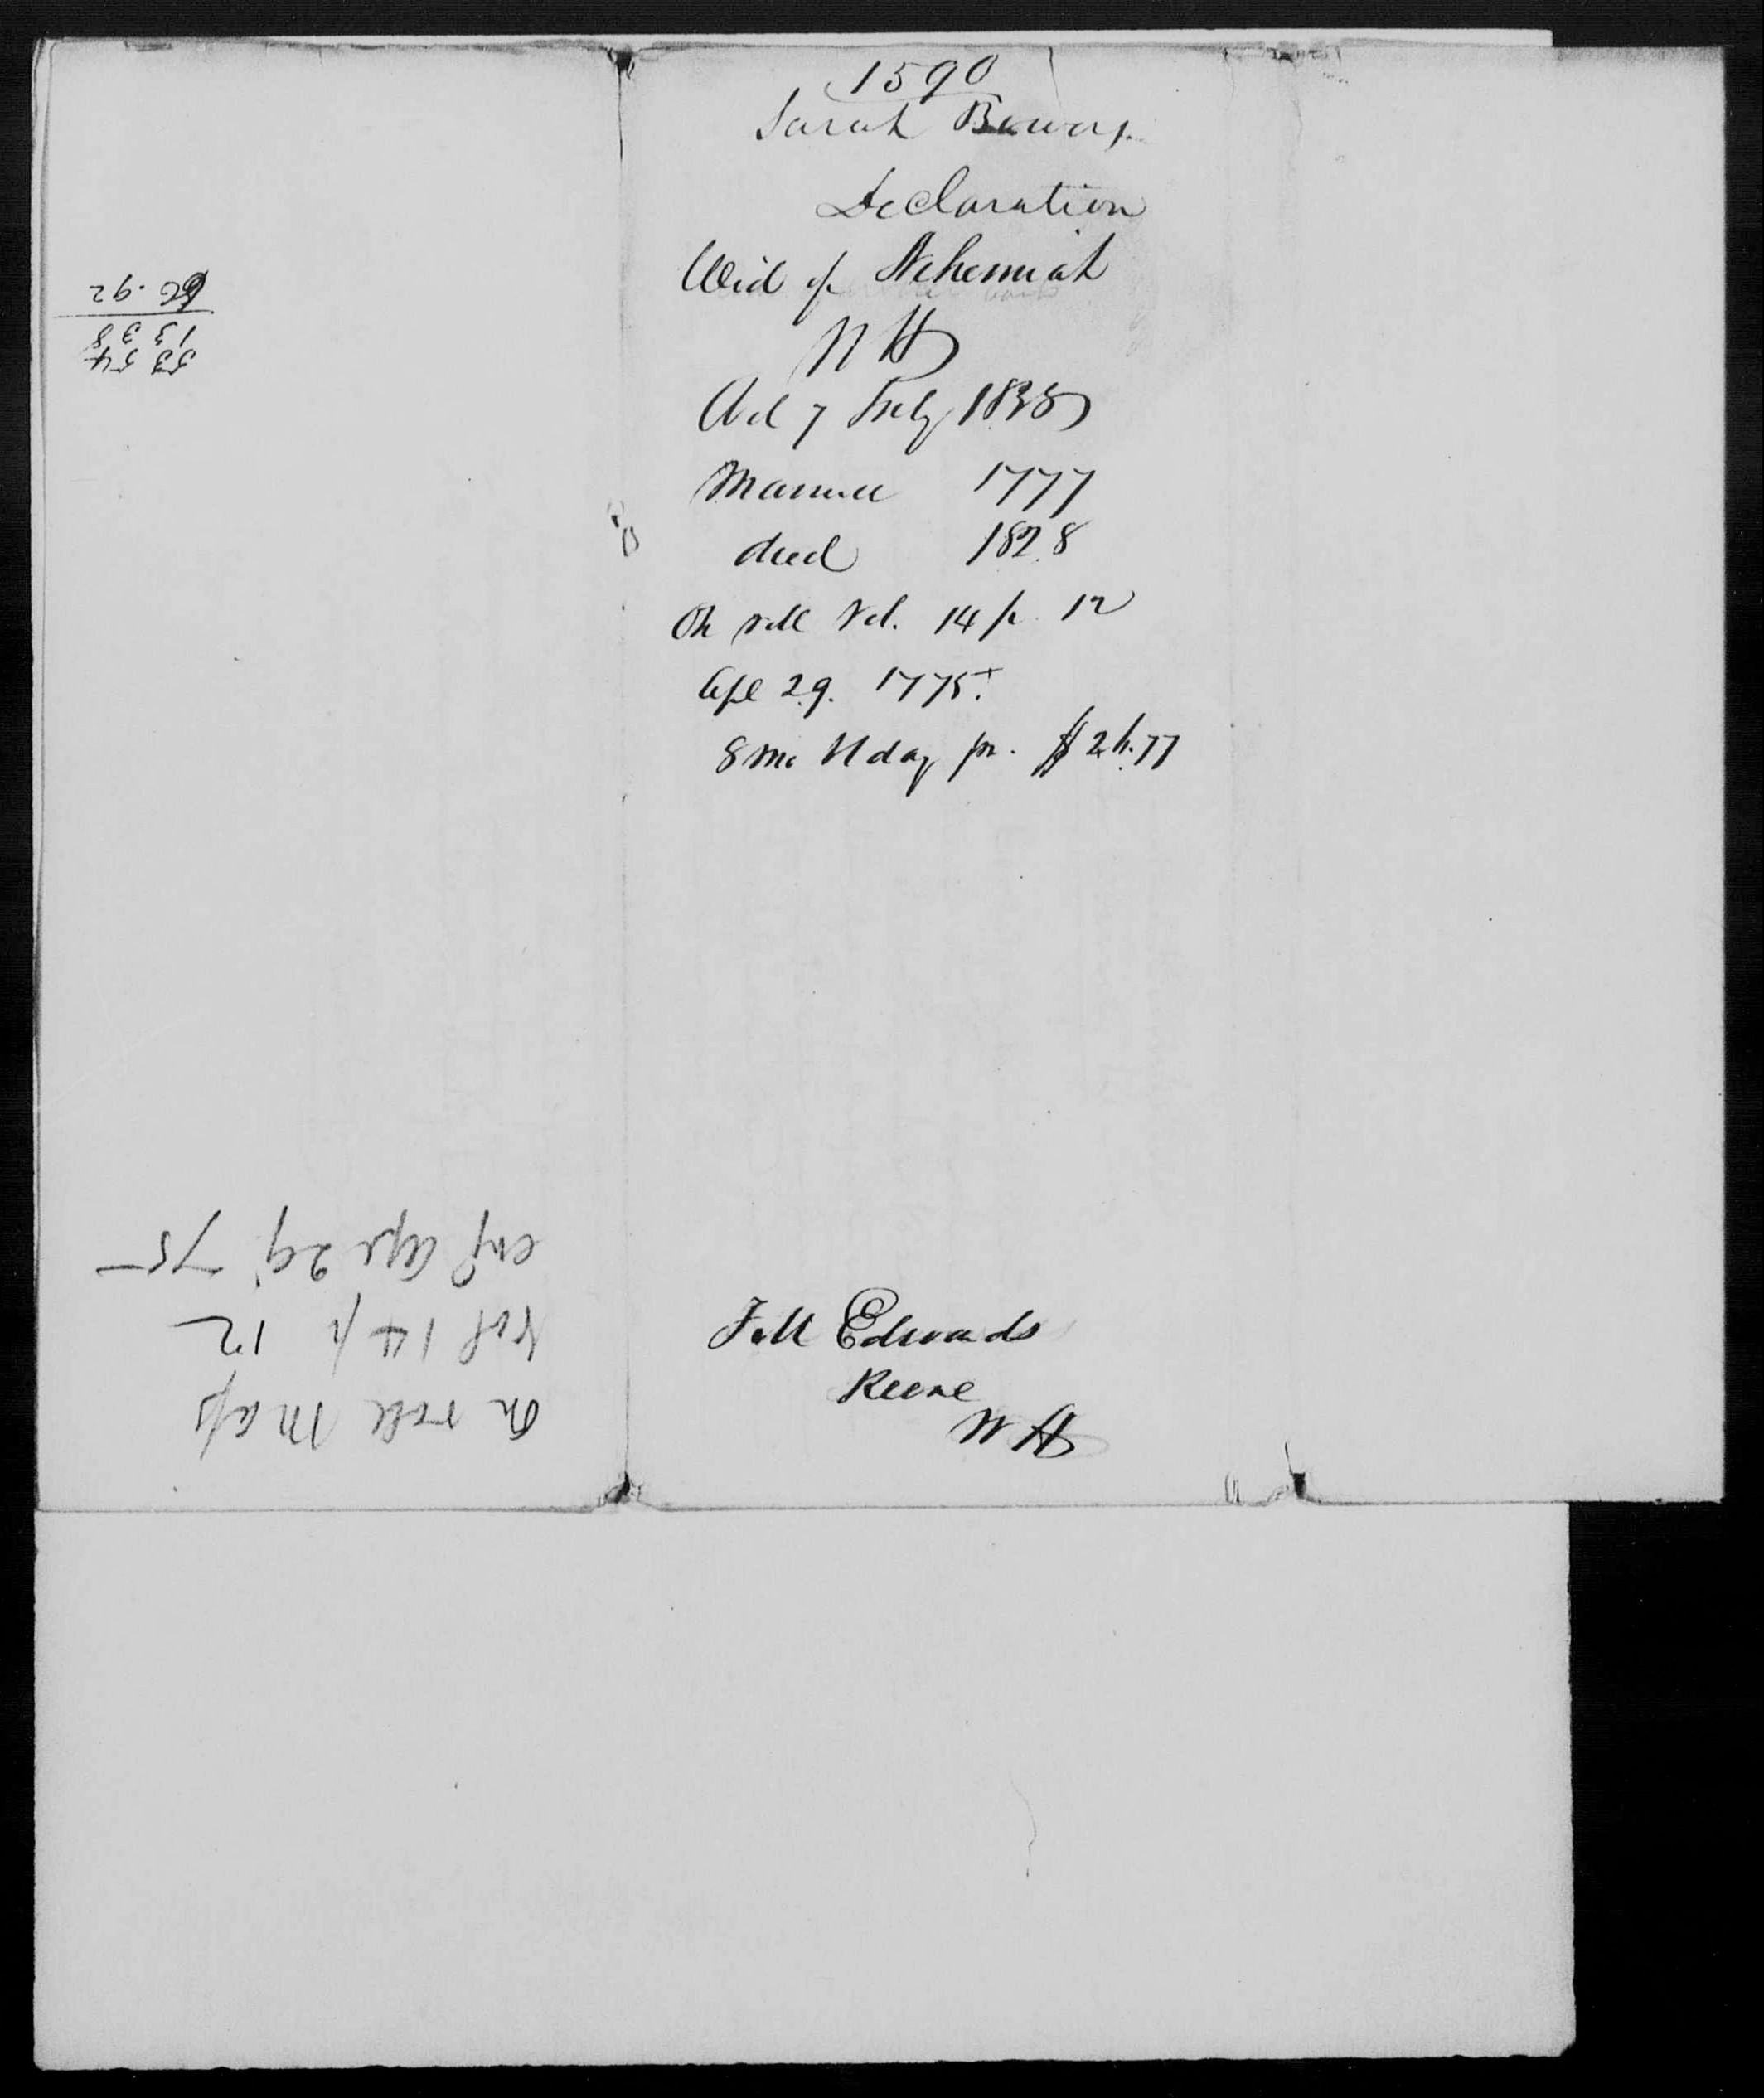[left side of page; upside down]

on roll Mass
Vol 14 p 12
ent Apr 29' 75

53 54
13 38
______
66.92

[right side of page]

1590
Sara Bowers
Declaration
Wid of Nehemiah
NH
Act 7 July 1838
Married 1777
died 1828
on roll Vol. 14 p 12
Apl 29, 1775.
8 mo 11 day for $26.77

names: T M Edwards, Sarah Bowers, Nehemiah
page: 4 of 42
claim: widow's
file: W. 23,652, Nehemiah Bowers, Mass.